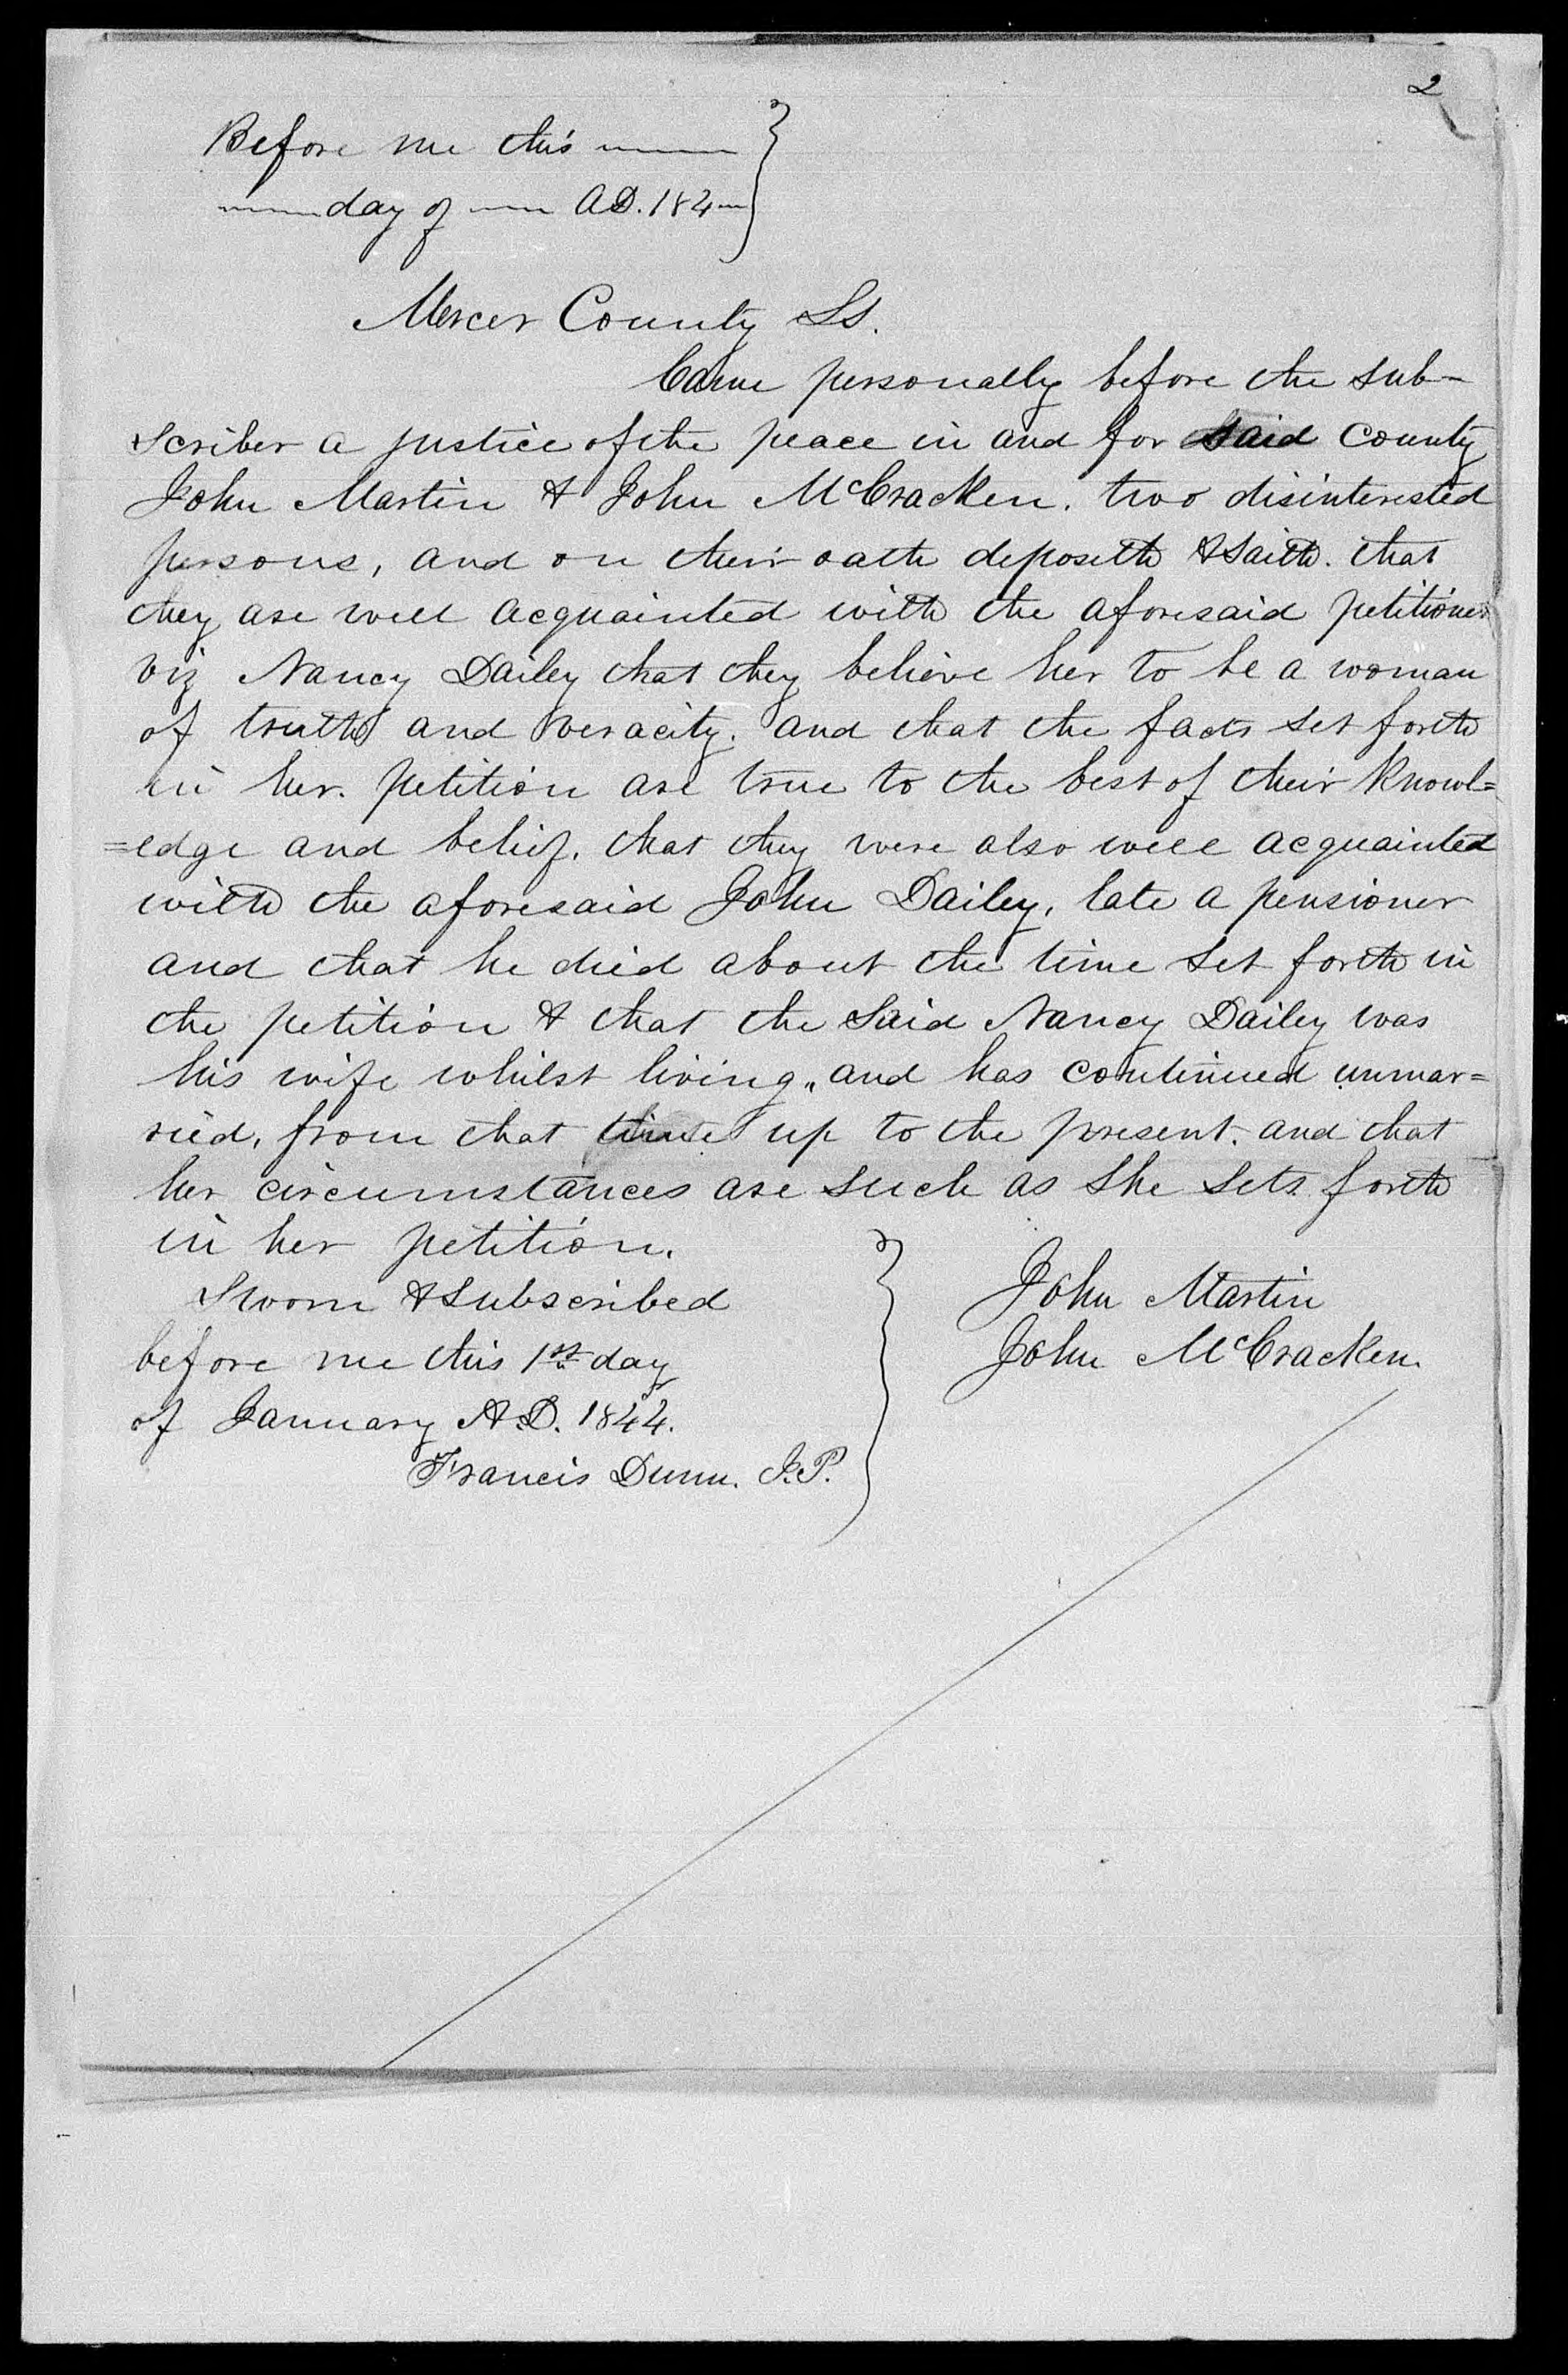Before me this [blank] day of [blank] AD. 184[blank]}
Mercer County Ss.
Came personally before the subscriber a justice of the peace in and for said county John Martin & John McCracken, two disinterested persons, and on their oath deposeth & saith that they are well acquainted with the aforesaid petitioner viz Nancy Dailey that they believe her to be a woman of truth and veracity and that the facts set forth in her petition are true to the best of their knowledge and belief, that they were also well acquainted with the aforesaid John Dailey, late a pensioner and that he died about the time set forth in the petition & that the Said Nancy Dailey was his wife whilst living, and has continued unmarried, from that time up to the present, and that her circumstances are such as she sets forth in her petition.
John Martin
John McCracken
Sworn & Subscribed before me this 1st day of January A.D. 1844.
Francis Dunn J.P.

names: Francis Dunn, John Martin, Nancy Dailey, John Dailey, John Martin, John Mc Cracken, Nancy Dailey, John Mc Cracken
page: 54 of 63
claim: widow's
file: W. 3228, John Daly, Penn.